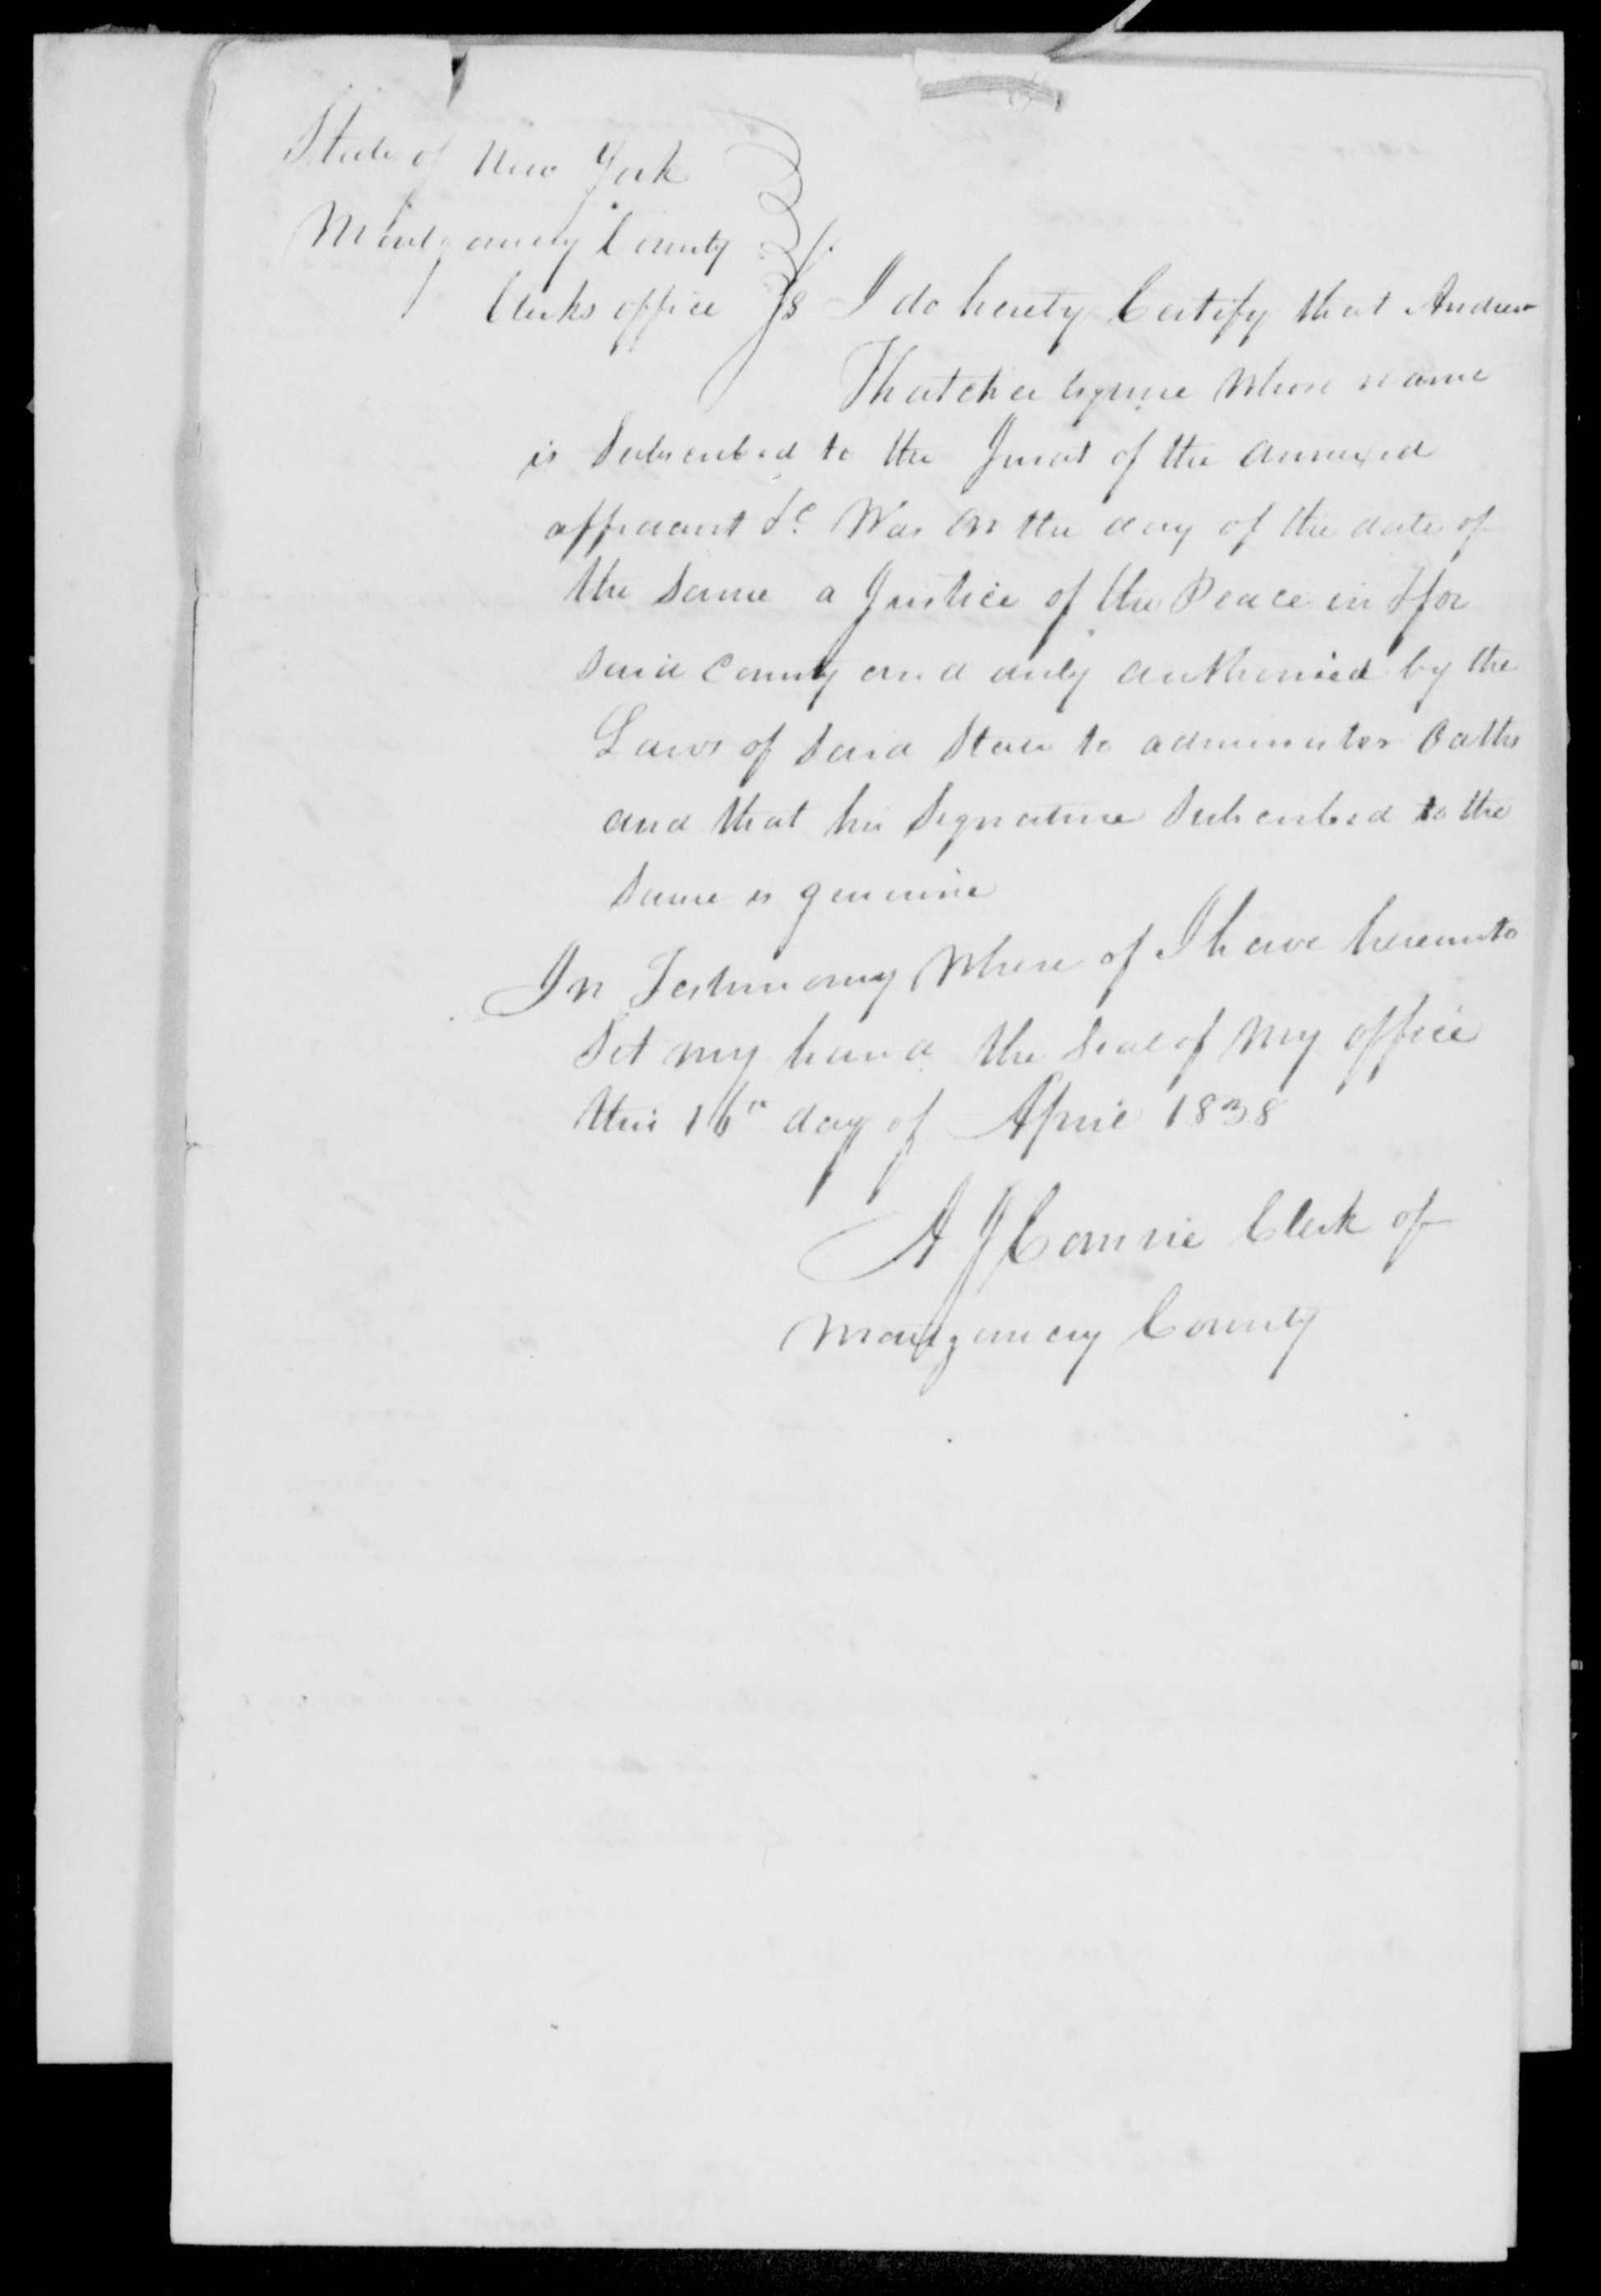State of New York 
Montgomery County Clerks office } ss 
I do hereby certify that Andrew Thatcher Esquire whose name is subscribed to the Jurat of the annexed affidavit &c was on the day of the date of the same a Justice of the Peace in & for said County and duly authorized by the Laws of said State to administer oaths and that his signature subscribed to the same is genuine 
In Testimony whereof I have hereunto set my hand the seal of my office this 16th day of April 1838 
[signed] A J Comrie Clerk of Montgomery County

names: Andrew Thatcher, A J Connie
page: 49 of 57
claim: survivor's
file: S. 28,925, Albert Van Housen, New York